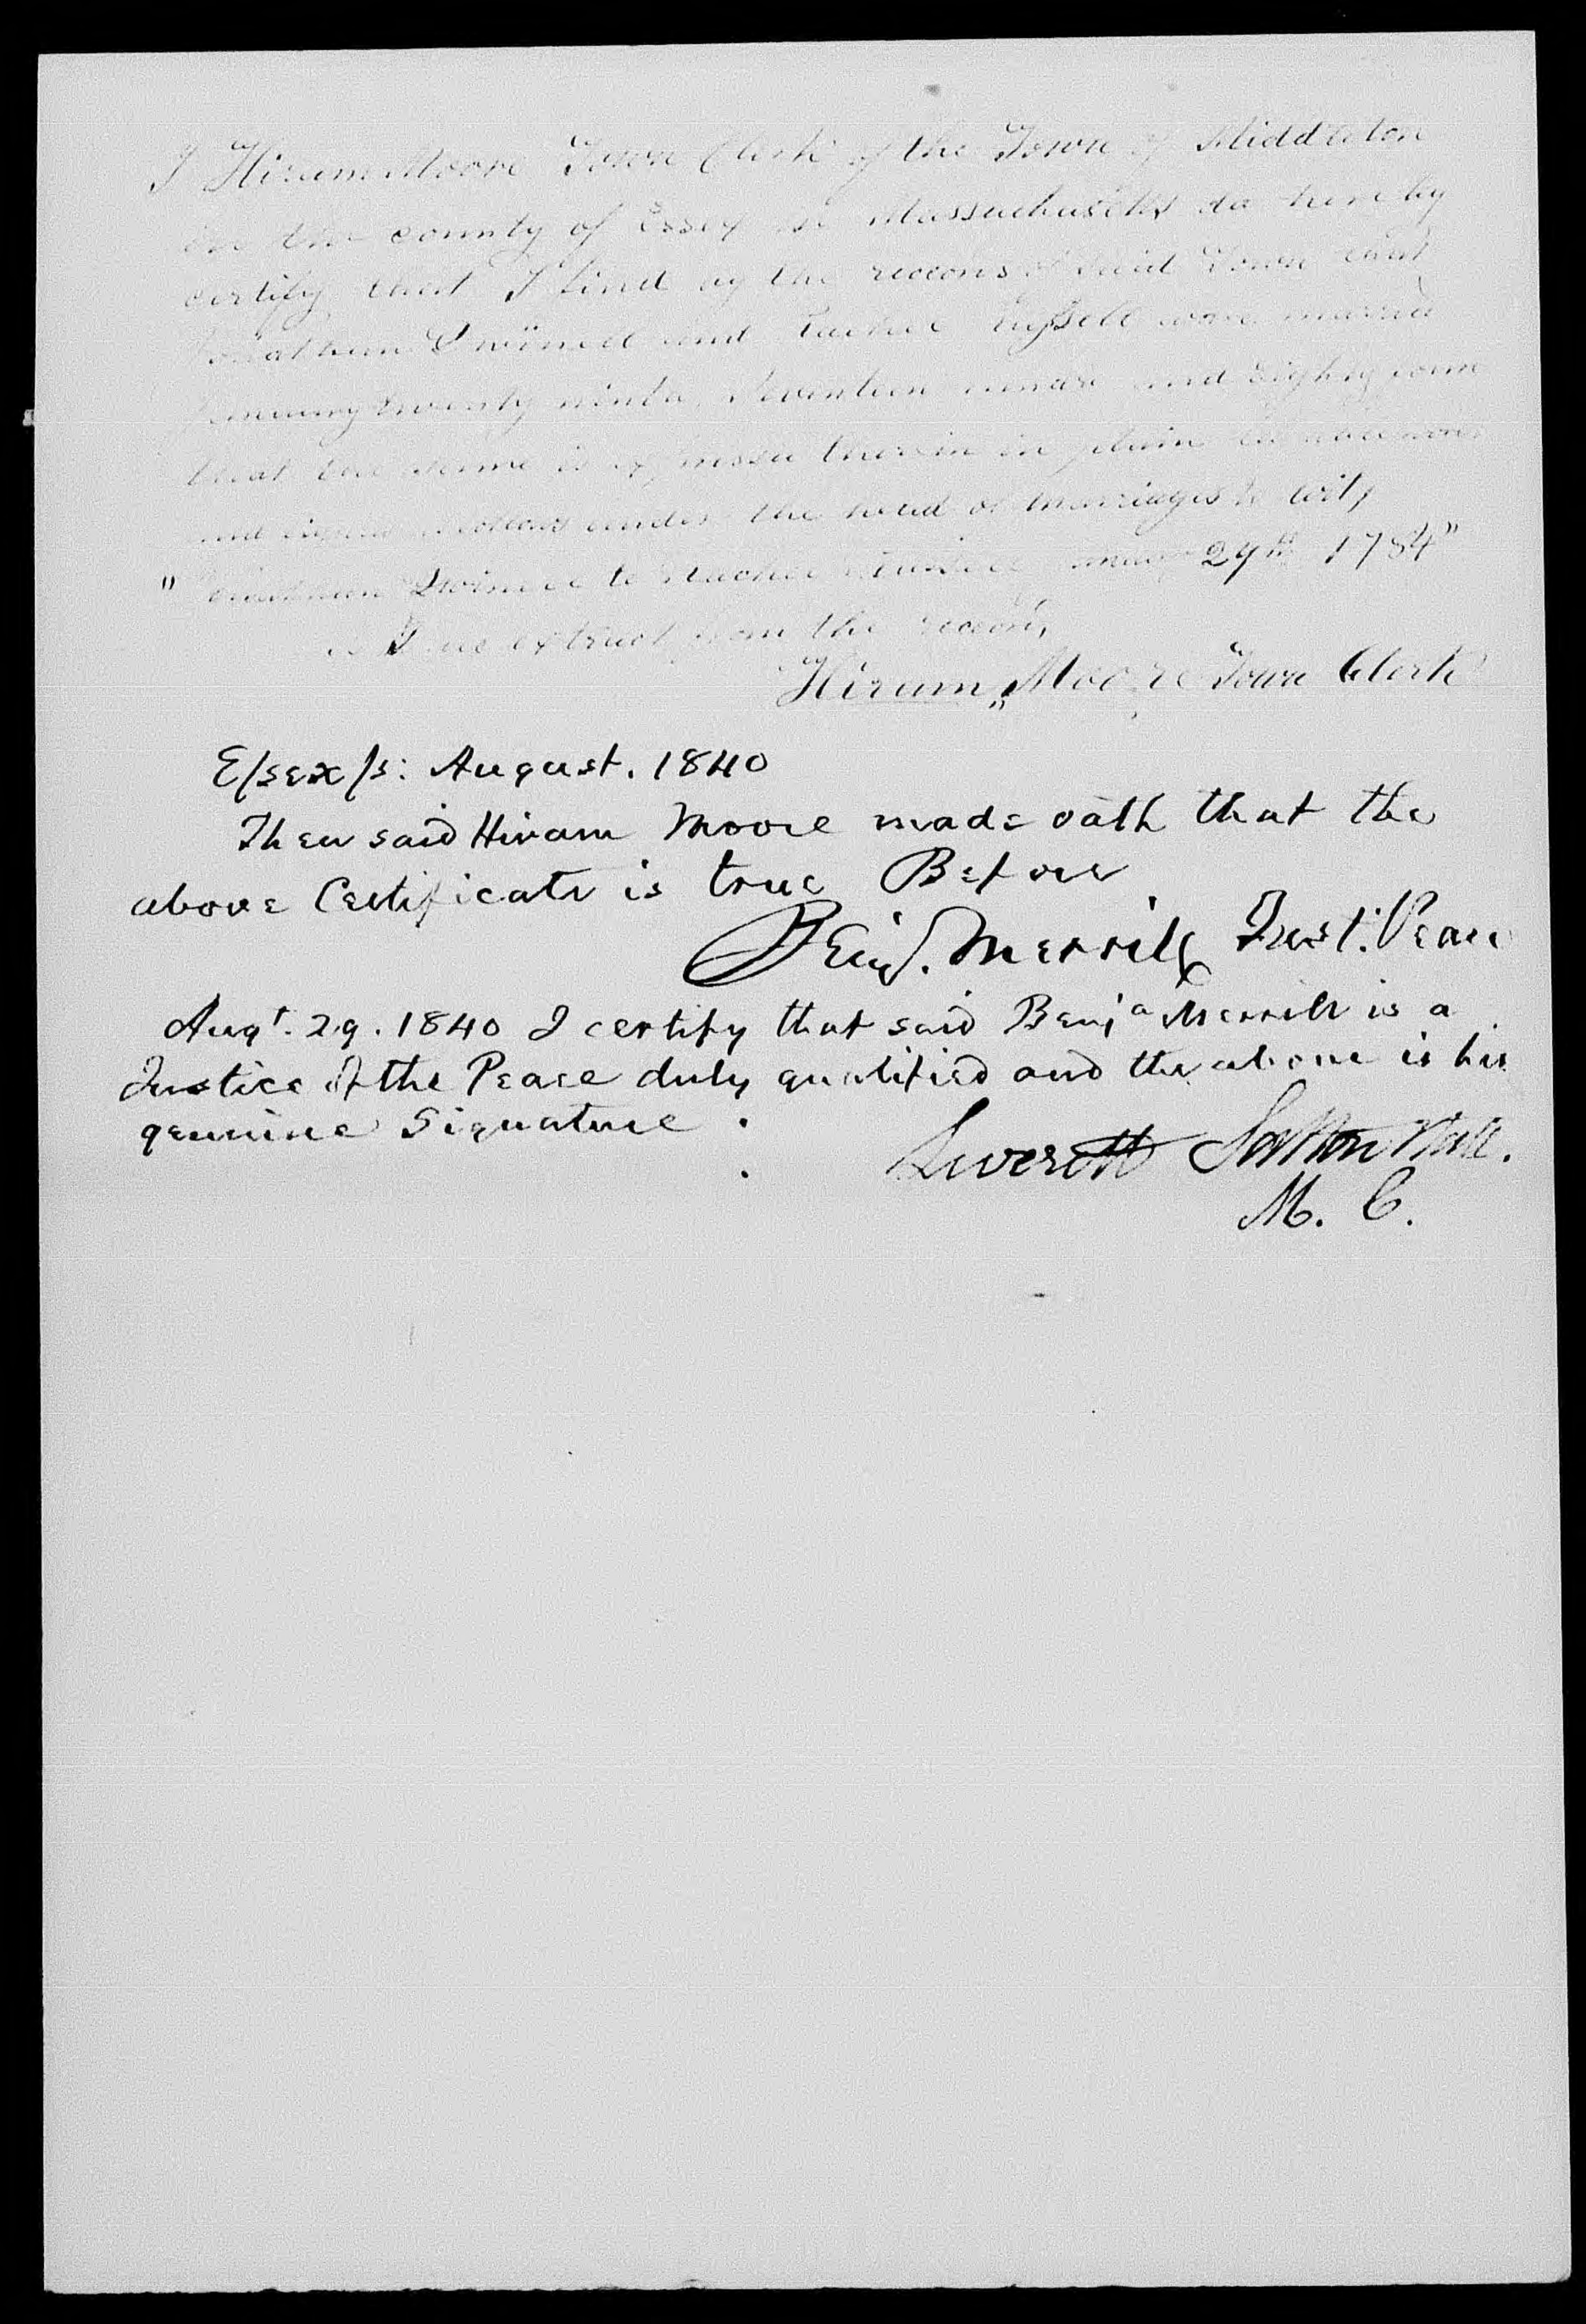I Hiram Moore Town Clerk of the Town of Middleton in the county of Essex in Massachusetts do hereby certify that I find by the records of said Town that Jonathan Dwinell and Rachel [illegible - maybe Russell?] were married January twenty ninth Seventeen hundred and Eighty four that the same is by [illegible] therein in plain [illegible] under the [illegible] of marriages to unite "Jonathan Dwinell to Rachel [illegible] January 29th 1784"
[illegible] extract from the record,
Hiram Moore Town Clerk
Essex Ss: August, 1840
The said Hiram Moore made oath that the above Certificate is true before
Benj. Merrill Just. Peace
Augt. 29. 1840 I certify that said Benja Merrill is a Justice of the Peace duly qualified and the above is his genuine signature.
Leverett Sutton Hall
M.C.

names: Leverett Sutton, Hiram Moore, Jonathan Dwinell, Hiram Moore, Hiram Moore, Benj Merrill, Jonathan Dwinell, Benja Merrill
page: 4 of 22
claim: widow's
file: W. 22984, John Dwinnell, Mass.